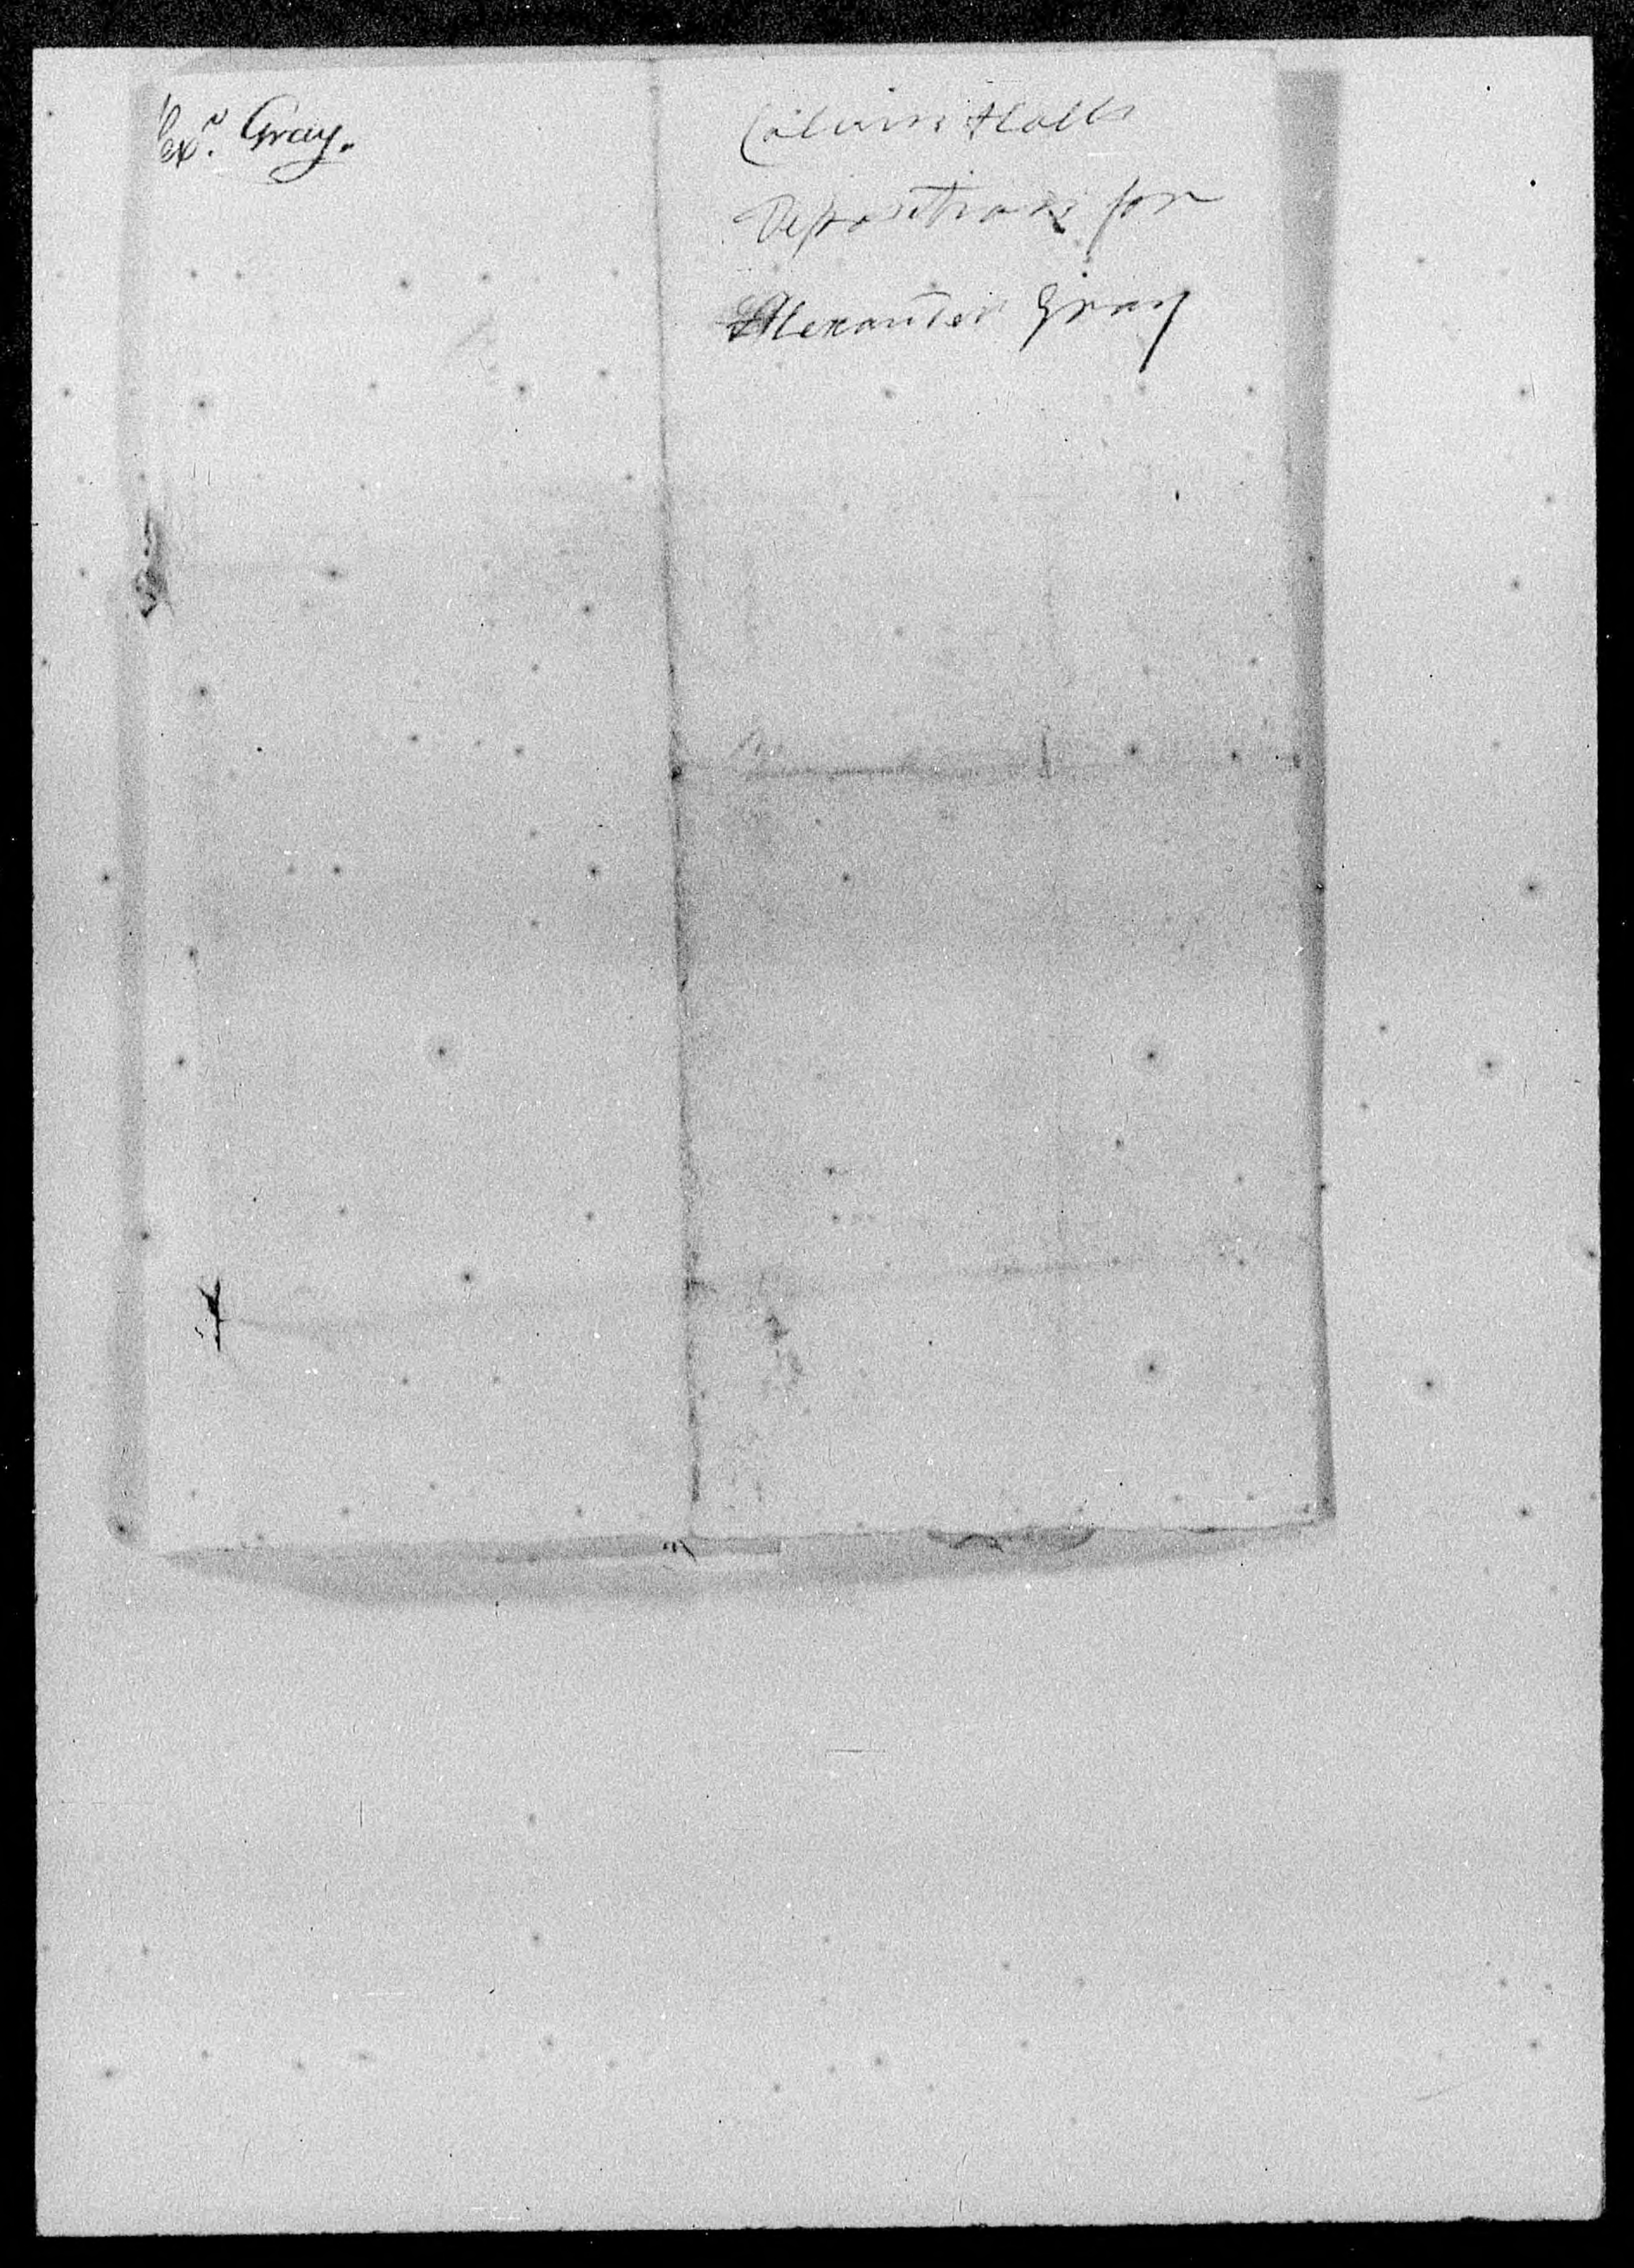Alex.n Gray

Calvin Hall
Deposition for
Alexander Gray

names: Calvin Hall, Alexr Gray, Alexander Gray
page: 5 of 13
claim: survivor's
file: S. 18845, Alexander Gray, Mass.